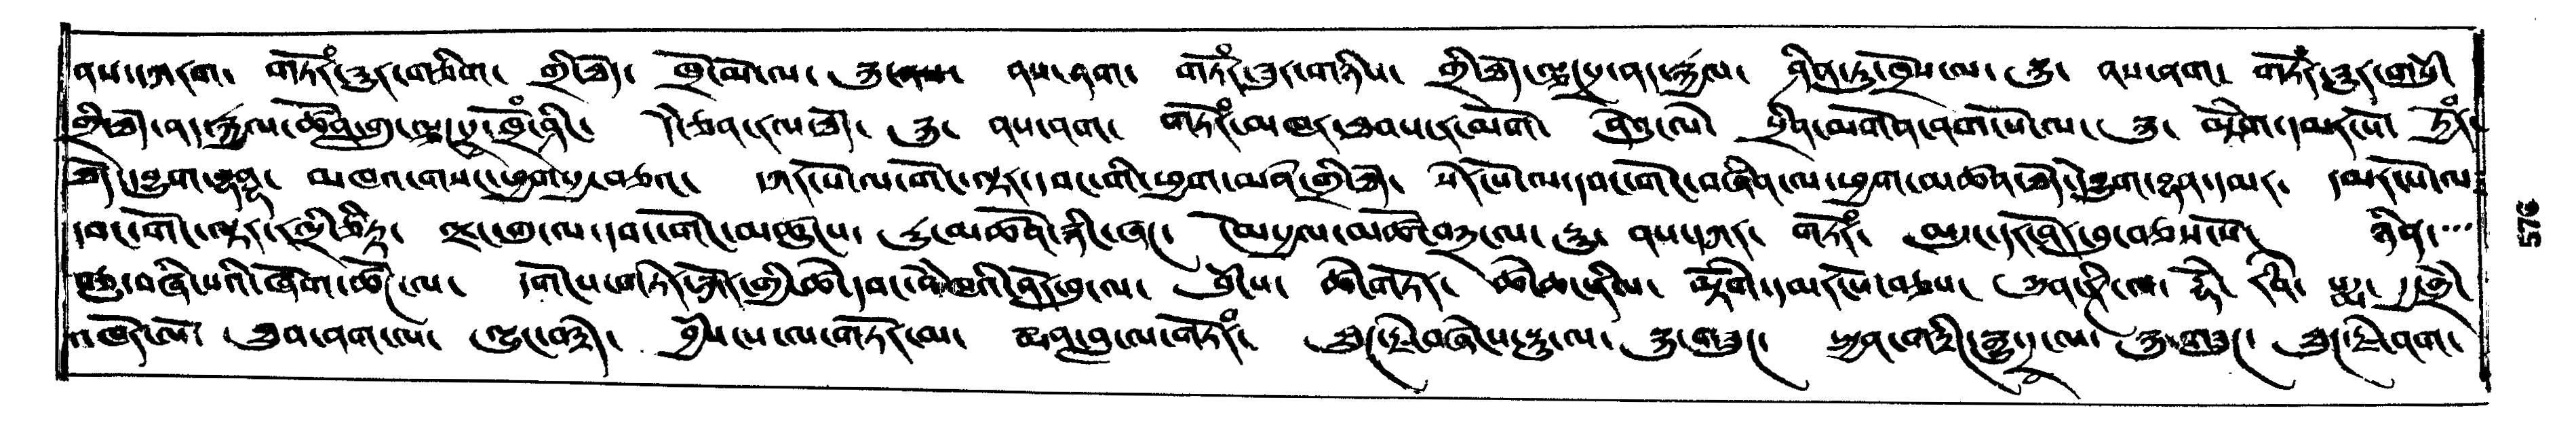ནས་དཀར་ནག གཏོར་མ་ཟུར་གཅིག གྲི་ཐོད། ཁྲོ་མོ་ལ། སྐུ། ནས་ནག གཏོར་མ་ཟུར་གཉིས། གྲི་ཐོད་ལྕགས་དྲ་ནད་རྐྱལ། ཤིན་ཏུ་ཁྲོས་ལ། སྐུ། ནས་ནག གཏོར་མ་ཟུར་གསུམ་
གྲི་ཐོད་ནད་རྐྱལ་ཚོན་གྲུ་ལྕགས་དྲ་ཁྲམ་ཤིང་། དམ་ཅན་རལ་ཐོད། སྐུ། ནས་ནག གཏོར་མ་མཁར་ཐབས་ར་མགོ། ནེའུ་ལེ། སྲིན་མགོན་ནག་པོ་ལ། སྐུ། མེ་ཏོག་དམར་པོ། གཏོར་མ་
ཐོད་དབྱུག་བྷནྡྷ། མཁའ་གསང་ཕྱག་རྒྱ་བཅའ། དཀར་པོ་ལ་གོང་ལྟར་དབང་གི་ཕྱག་མཚན་གྲི་ཐོད། སེར་པོ་ལ་དབང་གོང་བཞིན་ལ་ཕྱག་མཚན་ཐོད་དེ་དབྱུག་བྷན་དམར། དམར་པོ་ལ་
དབང་གོང་ལྟར་རལ་གྲི་ཙིཏྟ། ལྗང་གུ་ལ་དབང་གོང་མཚུངས། རུ་མཚོན་སྙིང་ཞགས། ངོམ་རྒྱལ་མཚོ་བཀྲ་ལ། སྐུ། ནས་དཀར། གཏོར་མ།མདུང་དར་ནོར་བུ་བཅས་སོ།། ཉིན་
བཅུ་བཞི་པའི་ཞོགས་ཚོགས་ལ། དགོངས་གཏེར་སྐོར་གྱི་ཚེ་དབང་ནམ་མཁའི་ནོར་བུ་ལ། བུམ་པ། ཚེ་གཏོར། ཚེ་ཆང་རིལ། མེ་ཏོག་དམར་པོ་བཅས། ཀུན་རིག་ལ། རྡོ་རྗེ། རིན་ཆེན། པདྨ་རྒྱ་གྲམ་
འཁོར་ལོ། ཐུན་ནག་ལ། ལྷུང་བཟེད། བྱམས་པ་ལ་གཏོར་མ། སྨན་བླ་ལ་གཏོར་མ། ཐུགས་རྗེ་བཞེངས་སྐུ་ལ། སྐུ་གཟུགས། སྤྱན་གཟིགས་སྒྱུ་དྲ་ལ། སྐུ་གཟུགས། ཐུགས་རྗེ་ནག་